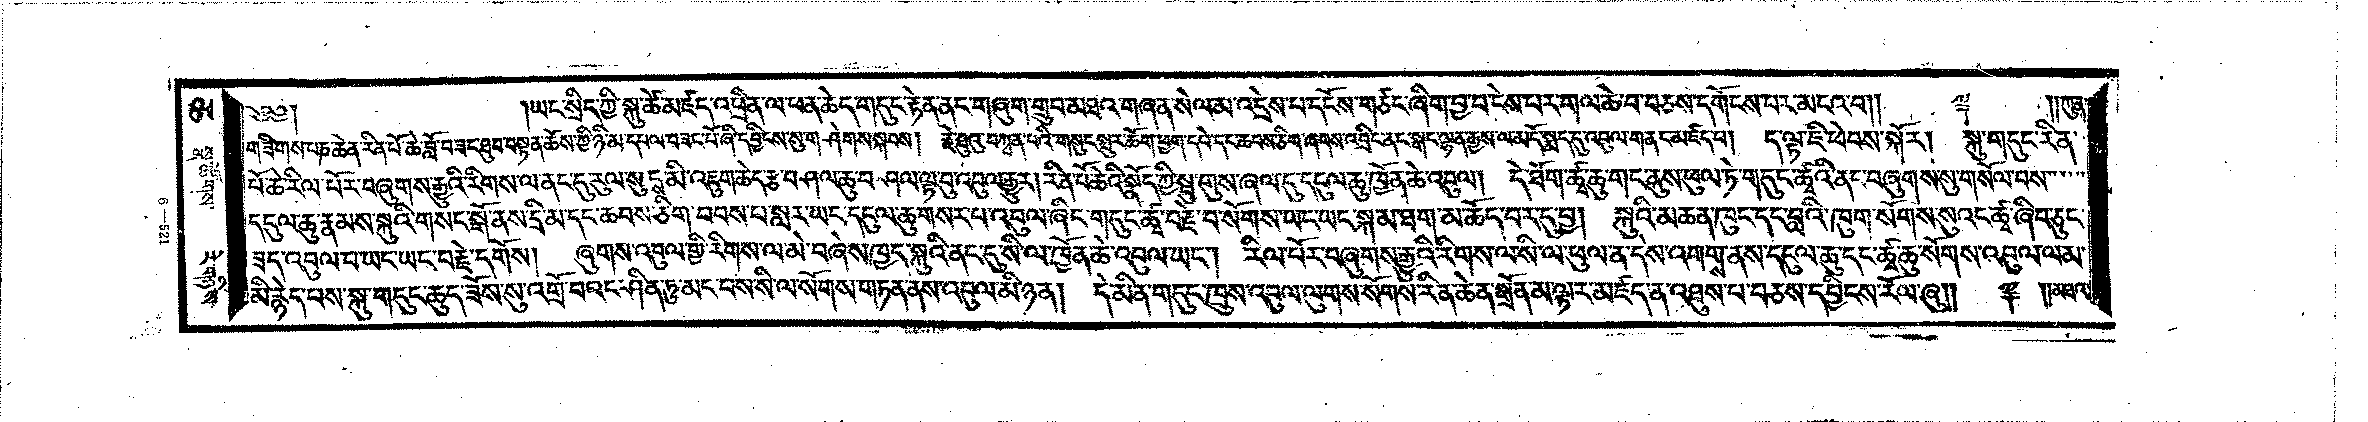༄༅། །ཡང་སྲིད་ཀྱི་སྐུ་ཚེ་མཛད་འཕྲིན་ལ་ཕན་ཆེད་གདུང་རྟེན་ནང་གཞུག་གྲུབ་མཐའ་གཞན་སེལ་མ་འདྲེས་པ་དངོས་གཙང་ཞིག་བྱ་བ་ངེས་པར་གལ་ཆེ་བ་བཅས་དགོངས་པར་མངའ་བ།། ༈ །།ཀུན་
གཟིགས་པཎ་ཆེན་རིན་པོ་ཆེ་བློ་བཟང་ཐུབ་བསྟན་ཆོས་ཀྱི་ཉི་མ་དཔལ་བཟང་པོ་ཞི་དབྱིངས་སུ་གཤེགས་སྐབས། རྗེ་ཐུའུ་བཀྭན་པའི་གསུང་སྤུར་ཆོག་ཕྱག་དཔེ་དང་ཆབས་ཅིག་ཞགས་འབྲིང་ནང་སྒང་ལྷན་རྒྱས་ལ་མདོ་སྨད་དུ་འབུལ་གནང་མཛད་པ། ད་ལྟ་ཇི་ཕེབས་སྐོར། སྐུ་གདུང་རིན་
པོ་ཆེ་རིལ་པོར་བཞུགས་རྒྱུའི་རིགས་ལ་ནང་དུ་རུལ་སུངས་མི་འཇུག་ཆེད་རྩ་བཤལ་ཆུ་བཤལ་ལྟ་བུ་འབུལ་རྒྱུར། རིན་པོ་ཆེའི་སྣོད་ཀྱི་སྦུ་གུས་ཞལ་དུ་དངུལ་ཆུ་ཁྱོན་ཆེ་འབུལ། དེ་ཐོག་ཚྭ་ཆུ་གང་ནུས་ཕུལ་ཏེ་གདུང་ཚྭའི་ནང་བཞུགས་སུ་གསོལ་བས་
དངུལ་ཆུ་རྣམས་སྐུའི་གསང་སྒོ་ནས་དྲི་མ་དང་ཆབས་ཅིག་བབས་པ་སླར་ཡང་དངུལ་ཆུ་གསར་པ་འབུལ་ཞིང་གདུང་ཚྭ་བརྗེ་བ་སོགས་ཡང་ཡང་སྐམ་ཐག་མཆོད་བར་དུ་བྱ། སྐུའི་མཆན་ཁུང་དང་བླའི་ཁུག་སོགས་སུའང་ཚྭ་ཞིབ་ཅུང་
ཟད་འབུལ་བ་ཡང་ཡང་བརྗེ་དགོས། ཞུགས་འབུལ་གྱི་རིགས་ལ་མེ་བཞེས་ཁྱང་སྐུའི་ནང་དུ་སི་ལ་ཁྱོན་ཆེ་འབུལ་ཡང་། རིལ་པོར་བཞུགས་རྒྱུའི་རིགས་ལ་སི་ལ་ཕུལ་ན་དེས་འགགས་ནས་དངུལ་ཆུ་དང་ཚྭ་ཆུ་སོགས་འབུལ་ལམ་
མི་རྙེད་པས་སྐུ་གདུང་ཆུད་ཟོས་སུ་འགྲོ་བའང་ཤིན་ཏུ་མང་པས་སི་ལ་སོགས་གཏན་ནས་འབུལ་མི་ཉན། དེ་མིན་གདུང་ཁྲུས་འབུལ་ལུགས་སོགས་རིན་ཆེན་སྒྲོན་མ་ལྟར་མཛད་ན་འཐུས་པ་བཅས་དབྱིངས་རོལ་ཞུ།། ༈ །།མཐའ་